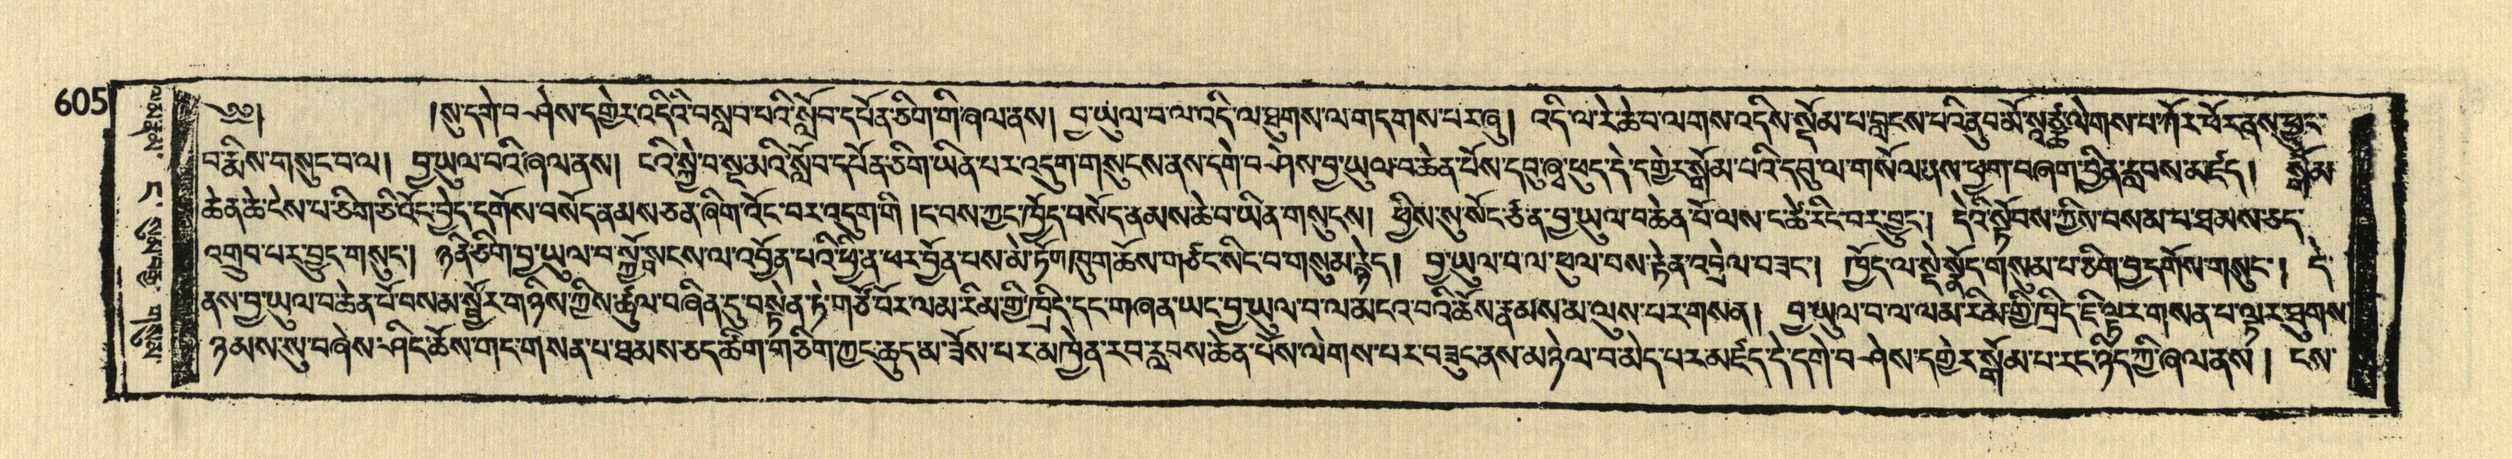༄༅། །སུ་དགེ་བཤེས་དགྱེར་འདིའི་བསླབ་པའི་སློབ་དཔོན་ཅིག་གི་ཞལ་ནས། བྱ་ཡུལ་བ་ལ་འདི་ལ་ཐུགས་ལ་གདགས་པར་ཞུ། འདི་ལ་རེ་ཆེ་བ་ལགས་འདིས་སྡོམ་པ་བླངས་པའི་ནུབ་མོ་སཱཙྪ་ལེགས་པ་ཀོར་ཕོར་ནས་ཕྱུང་
བ་རྨིས་གསུང་བ་ལ། བྱ་ཡུལ་བའི་ཞལ་ནས། ངའི་སྐྱེ་བ་སྔ་མའི་སློབ་དཔོན་ཅིག་ཡིན་པར་འདུག་གསུངས་ནས་དགེ་བཤེས་བྱ་ཡུལ་བ་ཆེན་པོས་དབུ་ཞྭ་ཕུད་དེ་དགྱེར་སྒོམ་པའི་དབུ་ལ་གསོལ་ནས་ཕྱག་བཞག་བྱིན་རླབས་མཛད། སྒོམ་
ཆེན་ཆེ་ངེས་པ་ཅིག་ཅི་འོང་བྱེད་དགོས་བསོད་ནམས་ཅན་ཞིག་འོང་བར་འདུག་གི །ང་བས་ཀྱང་ཁྱོད་བསོད་ནམས་ཆེ་བ་ཡིན་གསུངས། ཕྱིས་སུ་སོང་ཙ་ན་བྱ་ཡུལ་བ་ཆེན་པོ་ལས་ང་ཚེ་རིང་བར་བྱུང་། དེའི་སྟོབས་ཀྱིས་བསམ་པ་ཐམས་ཅད་
འགྲུབ་པར་བྱུང་གསུང་། ཉིན་ཅིག་བྱ་ཡུལ་བ་སྐྱོབ་སངས་ལ་འབྱོན་པའི་ཕྱི་ན་ཕར་བྱོན་པས་མེ་ཏོག་ཁུག་ཆོས་གཙང་སིང་བ་གསུམ་རྙེད། བྱ་ཡུལ་བ་ལ་ཕུལ་བས་རྟེན་འབྲེལ་བཟང་། ཁྱོད་ལ་སྡེ་སྣོད་གསུམ་པ་ཅིག་བྱ་དགོས་གསུང་། དེ་
ནས་བྱ་ཡུལ་བ་ཆེན་པོ་བསམ་སྦྱོར་གཉིས་ཀྱིས་ཚུལ་བཞིན་དུ་བསྟེན་ཏེ་གཙོ་བོར་ལམ་རིམ་གྱི་ཁྲིད་དང་གཞན་ཡང་བྱ་ཡུལ་བ་ལ་མངའ་བའི་ཆོས་རྣམས་མ་ལུས་པར་གསན། བྱ་ཡུལ་བ་ལ་ལམ་རིམ་གྱི་ཁྲིད་ཇི་ལྟར་གསན་པ་ལྟར་ཐུགས་
ཉམས་སུ་བཞེས་ཤིང་ཆོས་གང་གསན་པ་ཐམས་ཅད་ཚིག་གཅིག་ཀྱང་ཆུད་མ་ཟོས་པར་མཁྱེན་རབ་རླབས་ཆེན་པོས་ལེགས་པར་བཟུང་ནས་མཉེལ་བ་མེད་པར་མཛད་དེ་དགེ་བཤེས་དགྱེར་སྒོམ་པ་རང་ཉིད་ཀྱི་ཞལ་ནས། ངས་